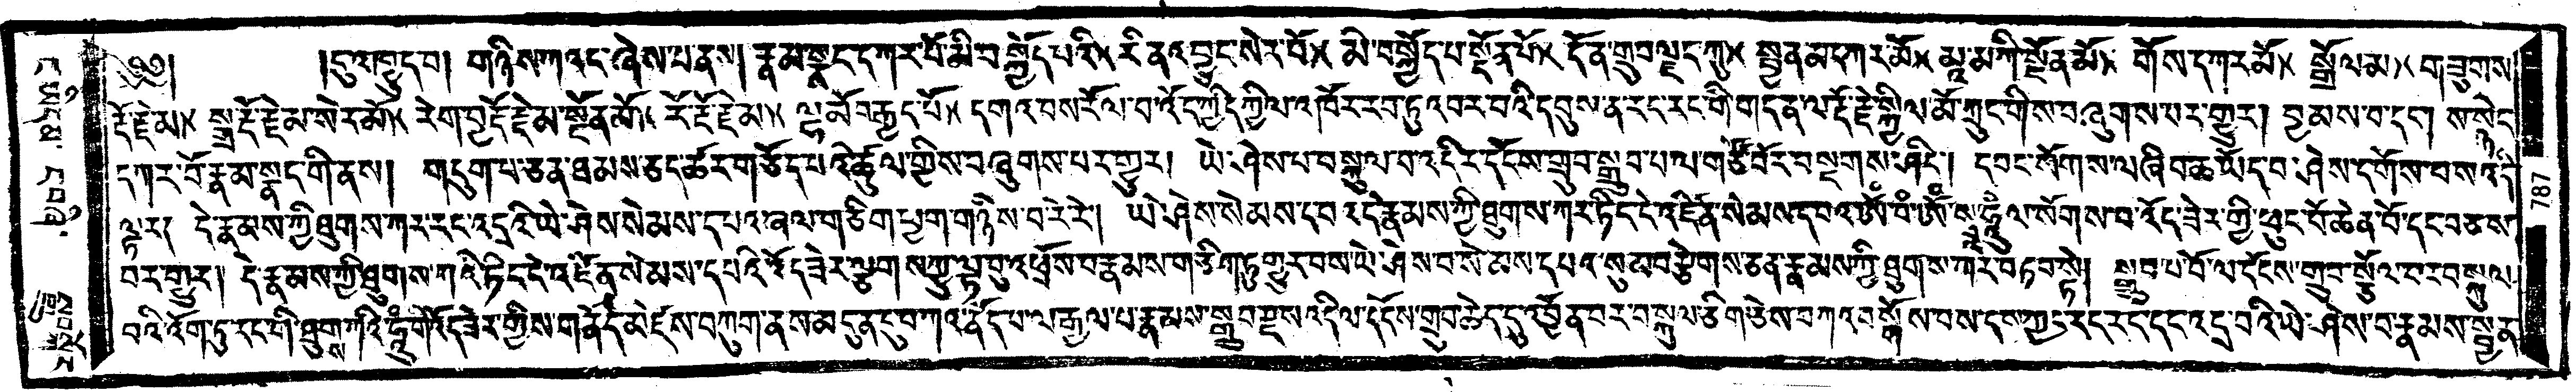༄༅། །དུ་འཁྱུད་བ། གཉིས་ཀའང་ཞེས་བ་ནས། རྣམ་སྣང་དཀར་བོ་མི་བསྐྱོད་པའི་རིན་འབྱུང་སེར་བོ་མི་བསྐྱོད་པ་སྔོན་བོ་དོན་གྲུབ་ལྗང་ཀུ་སྦྱན་མ་དཀར་མོ་མཱ་མ་ཀི་སྔོན་མོ་གོས་དཀར་མོ་྾་སྒྲོལ་མ་གཟུགས་
རྡོ་རྗེ་མ་སྒྲ་རྡོ་རྗེ་མ་སེར་མོ་རེག་བྱ་རྡོ་རྗེ་མ་སྔོན་མོ་རོ་རྡོ་རྗེ་མ་ལྷ་མོ་བརྒྱད་པོ་དགའ་བས་རོལ་བ་འོ་དཀྱིལ་འཁོར་རབ་ཏུ་འབར་བའི་དབུས་ན་རང་རང་གི་གདན་ལ་རྡོ་རྗེ་སྐྱིལ་མོ་ཀྲུང་གིས་བཞུགས་བར་གྱུར། བྱམས་བ་དང་། ས་སྙེད་
དཀར་བོ་རྣམ་སྣང་གི་ནས། གདུག་བ་ཅན་ཐམས་ཅད་ཚར་གཅོད་བའི་ཚུལ་གྱིས་བཞུགས་པར་གྱུར། ཡེ་ཤེས་པ་བསྐུལ་བ་འདིར་དངོས་གྲུབ་སྒྲུབ་པ་ལ་གཙོ་བོར་བསྔགས་ཤིང་། དབང་སོགས་ལ་?ཞིབ་ཆ་ཡོད་བ་ཤེས་དགོས་བས་འདི་
ལྟར། དེ་རྣམས་ཀྱི་ཐུགས་ཀར་རང་འདྲའི་ཡེ་ཤེས་སེམས་དཔའ་ཞལ་གཅིག་ཕྱག་གཉིས་བ་རེ་རེ། ཡེ་ཤེས་སེམས་དཔའ་དེ་རྣམས་ཀྱི་ཐུགས་ཀར་ཏིང་ངེ་འཛིན་སེམས་དཔའ་ཨོཾ་བཾ་ཨོཾ་སྭཱ་ཧཱུཾ་ལ་སོགས་བ་འོད་ཟེར་གྱི་ཕུང་བོ་ཆེན་བོ་དང་བཅས་
བར་གྱུར། དེ་རྣམས་ཀྱི་ཐུགས་ཀའི་ཏིང་ངེ་འཛིན་སེམས་དཔའི་འོད་ཟེར་ལྕགས་ཀྱུ་ལྟ་བུ་འཕྲོས་བ་རྣམས་གཅིག་ཏུ་གྱུར་བས་ཡེ་ཤེས་བ་སེམས་དཔའ་སུམ་བརྩེགས་ཅན་རྣམས་ཀྱི་ཐུགས་ཀར་བཏབ་སྟེ། སྒྲུབ་བ་པོ་ལ་དངོས་གྲུབ་སྩོལ་བར་བསྐུལ་
བའི་འོག་ཏུ་རང་གི་ཐུགས་ཀའི་ཧཱུཾ་གི་འོད་ཟེར་གྱིས་གནོད་མཛེས་བཀུག་ནས་མདུན་དུ་བཀའ་ནོད་པ་ལ་རྒྱལ་བ་རྣམས་སྒྲུབ་རྫས་འདི་ལ་དངོས་གྲུབ་ཆེད་དུ་འབྱོན་བར་བསྐུལ་ཅིག་ཅེས་བཀའ་བསྒོས་བས་དེ་ལ་ཀྱང་རང་རང་དང་འདྲ་བའི་ཡེ་ཤེས་བ་རྣམས་སྦྱན་